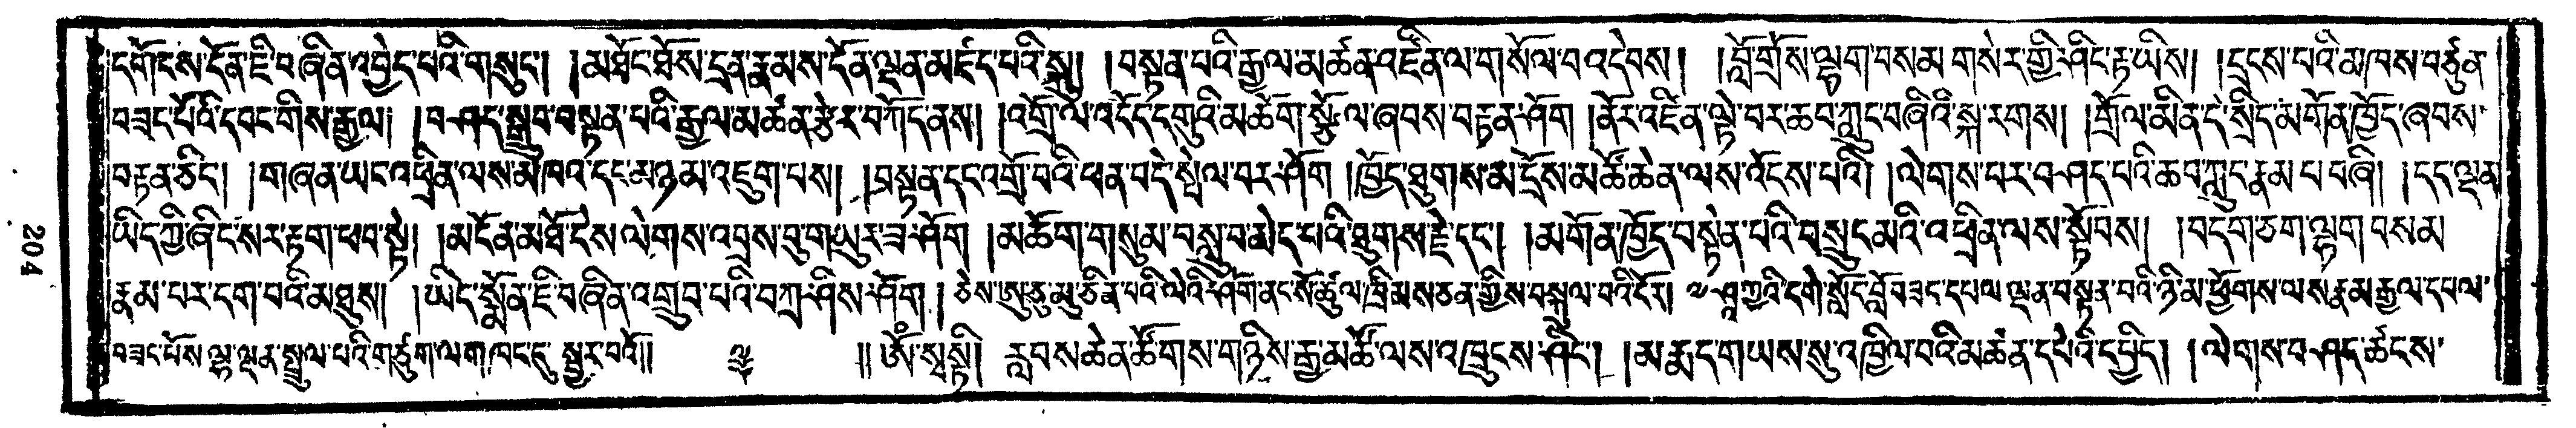དགོངས་དོན་ཇི་བཞིན་འབྱེད་པའི་གསུང་། །མཐོང་ཐོས་དྲན་རྣམས་དོན་ལྡན་མཛད་པའི་སྐུ། །བསྟན་པའི་རྒྱལ་མཚན་འཛིན་ལ་གསོལ་བ་འདེབས། །བློ་གྲོས་ལྷག་བསམ་གསེར་གྱི་ཤིང་རྟ་ཡིས། །དྲངས་པའི་མཁས་བཙུན་
བཟང་པོའི་དབང་གིས་རྒྱལ། །བཤད་སྒྲུབ་བསྟན་པའི་རྒྱལ་མཚན་རྩེར་བཀོད་ནས། །འགྲོ་ལ་འདོད་དགུའི་མཆོག་སྩོལ་ཞབས་བརྟན་ཤོག །ནོར་འཛིན་ལྟེ་བར་ཆབ་ཀླུང་བཞིའི་སྐ་རགས། །གྲོལ་མིན་དེ་སྲིད་མགོན་ཁྱོད་ཞབས་
བརྟན་ཅིང་། །གཞན་ཡང་འཕྲིན་ལས་མཁའ་དང་མཉམ་འཇུག་པས། །བསྟན་དང་འགྲོ་བའི་ཕན་བདེ་སྤེལ་བར་ཤོག །ཁྱོད་ཐུགས་མ་དྲོས་མཚོ་ཆེན་ལས་འོངས་པའི། །ལེགས་པར་བཤད་པའི་ཆབ་ཀླུང་རྣམ་པ་བཞི། །དད་ལྡན་
ཡིད་ཀྱི་ཞིང་སར་རྟག་ཕབ་སྟེ། །མངོན་མཐོ་ངེས་ལེགས་འབྲས་བུ་གཡུར་ཟ་ཤོག །མཆོག་གསུམ་བསླུ་བ་མེད་པའི་ཐུགས་རྗེ་དང་། །མགོན་ཁྱོད་བསྟེན་པའི་བསྲུང་མའི་འཕྲིན་ལས་སྟོབས། །བདག་ཅག་ལྷག་བསམ་
རྣམ་པར་དག་པའི་མཐུས། །ཡིད་སྨོན་ཇི་བཞིན་འགྲུབ་པའི་བཀྲ་ཤིས་ཤོག །ཅེས་ཨུ་ཅུ་མུ་ཅིན་པའི་ལེའི་ཤོག་ནང་སོ་ཚུལ་ཁྲིམས་ཅན་གྱིས་བསྐུལ་བའི་ངོར། ༧་ཤཱཀྱའི་དགེ་སློང་བློ་བཟང་དཔལ་ལྡན་བསྟན་པའི་ཉི་མ་ཕྱོགས་ལས་རྣམ་རྒྱལ་དཔལ་
བཟང་པོས་ལྷ་ལྡན་སྤྲུལ་པའི་གཙུག་ལག་ཁང་དུ་སྦྱར་བའོ།། ༈ །།ཨོཾ་སྭསྟི། རླབས་ཆེན་ཚོགས་གཉིས་རྒྱ་མཚོ་ལས་འཁྲུངས་ཤིང་། །མ་རྨད་གཡས་སུ་འཁྱིལ་བའི་མཚན་དཔེའི་དཔྱིད། །ལེགས་བཤད་ཚངས་